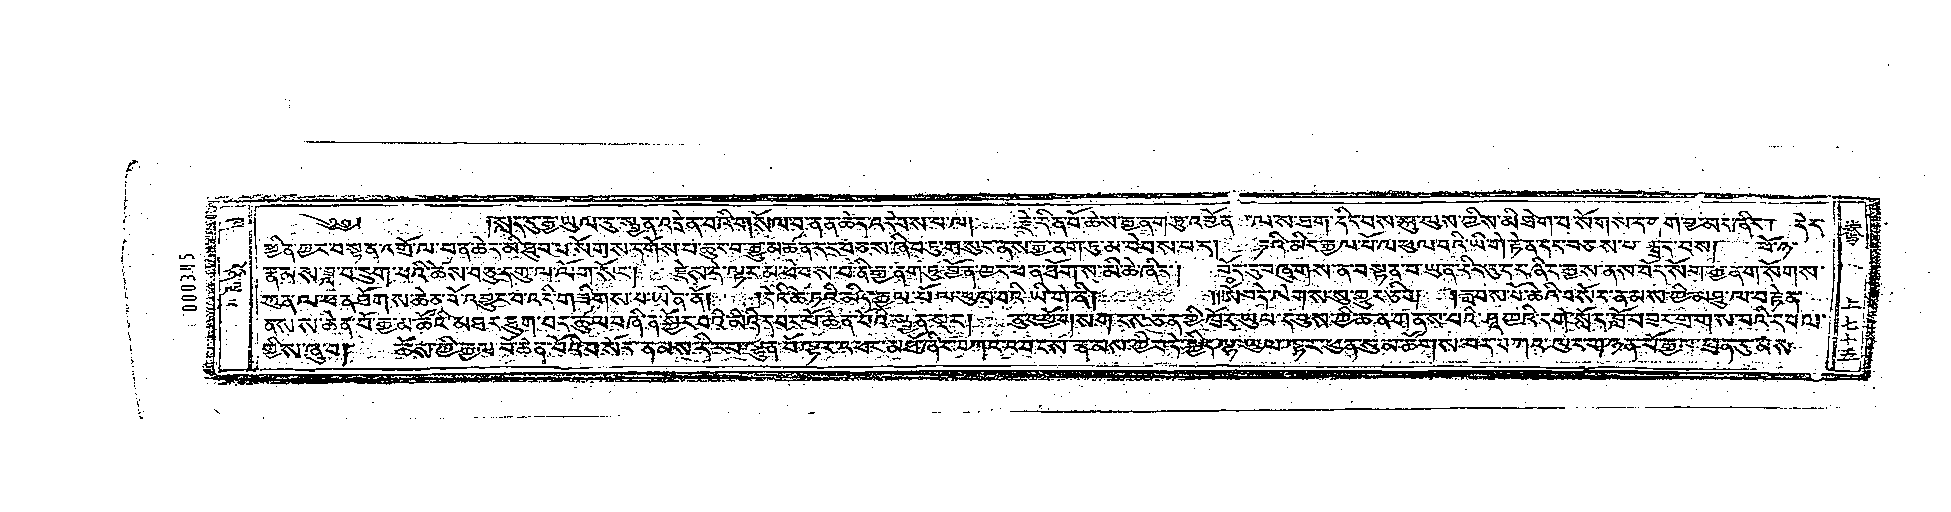༄༅། །སླད་དུ་རྒྱ་ཡུལ་དུ་སྤྱན་འདྲེན་པའི་གསོལ་བ་ནན་ཆེད་འདེབས་པ་ལ། རྗེ་རིན་པོ་ཆེས་རྒྱ་ནག་ཏུ་འབྱོན་པ་ལས་ཐག་རིང་བས་སྐུ་ལུས་ཀྱིས་མི་ཐེག་པ་སོགས་དགག་བྱ་མང་ཞིང་། དེར་
ཕྱིན་ཀྱང་བསྟན་འགྲོ་ལ་ཕན་ཆེད་མི་ཐུབ་པ་སོགས་དགོས་པ་ཆུང་བ་རྒྱུ་མཚན་དང་བཅས་ཞིབ་ཏུ་གསུང་ནས་རྒྱ་ནག་ཏུ་མ་ཕེབས་པར། ཏའི་མིང་རྒྱལ་པོ་ལ་ཕུལ་བའི་ཡི་གེ་རྟེན་དང་བཅས་པ་སྦྲང་བས། ཕོ་ཉ་
རྣམས་ཟླ་བ་དྲུག་པའི་ཚེས་བཅུ་དགུ་ལ་ལོག་སོང་། རྗེས་དེ་ལྟར་མ་ཕེབས་པ་ནི་རྒྱ་ནག་ཏུ་བྱོན་ཀྱང་ཕན་ཐོགས་མི་ཆེ་ཞིང་། བོད་དུ་བཞུགས་ན་བསྟན་པ་ཡུན་རིང་དུ་ངར་ཞིང་རྒྱས་ནས་བོད་སོག་རྒྱ་ནག་སོགས་
ཀུན་ལ་ཕན་ཐོགས་ཆེན་པོ་འབྱུང་བ་འདི་གཟིགས་པ་ཡིན་ནོ། །དེའི་ཚེ་ཏའི་མིང་རྒྱལ་པོ་ལ་ཕུལ་བའི་ཡི་གེ་ནི། །།ཨོཾ་བདེ་ལེགས་སུ་གྱུར་ཅིག །རླབས་པོ་ཆེའི་བསོད་ནམས་ཀྱི་མཐུ་ལ་བརྟེན་
ནས་ས་ཆེན་པོ་རྒྱ་མཚོའི་མཐར་ཐུག་བར་ཚུལ་བཞིན་སྐྱོང་བའི་མིའི་དབང་པོ་ཆེན་པོའི་སྤྱན་སྔར། ནུབ་ཕྱོགས་གངས་ཅན་གྱི་ཁྲོད་ཡུལ་དབུས་ཀྱི་ཆ་ན་གནས་པའི་ཤཱཀྱའི་དགེ་སློང་བློ་བཟང་གྲགས་པའི་དཔལ་
གྱིས་ཞུ་བ། ཆོས་ཀྱི་རྒྱལ་པོ་ཆེན་པོའི་བསོད་ནམས་རི་ངབ་ལྷུན་པོ་ལྟར་འཕང་མཐོ་ཞིང་བཀའ་འབངས་རྣམས་ཀྱི་བདེ་སྐྱིད་ལྷ་ཡུལ་ལྟར་ཕུན་སུམ་ཚོགས་བར་བཀའ་ལུང་གཉན་པོ་རྒྱལ་ཕྲན་དུ་མས་